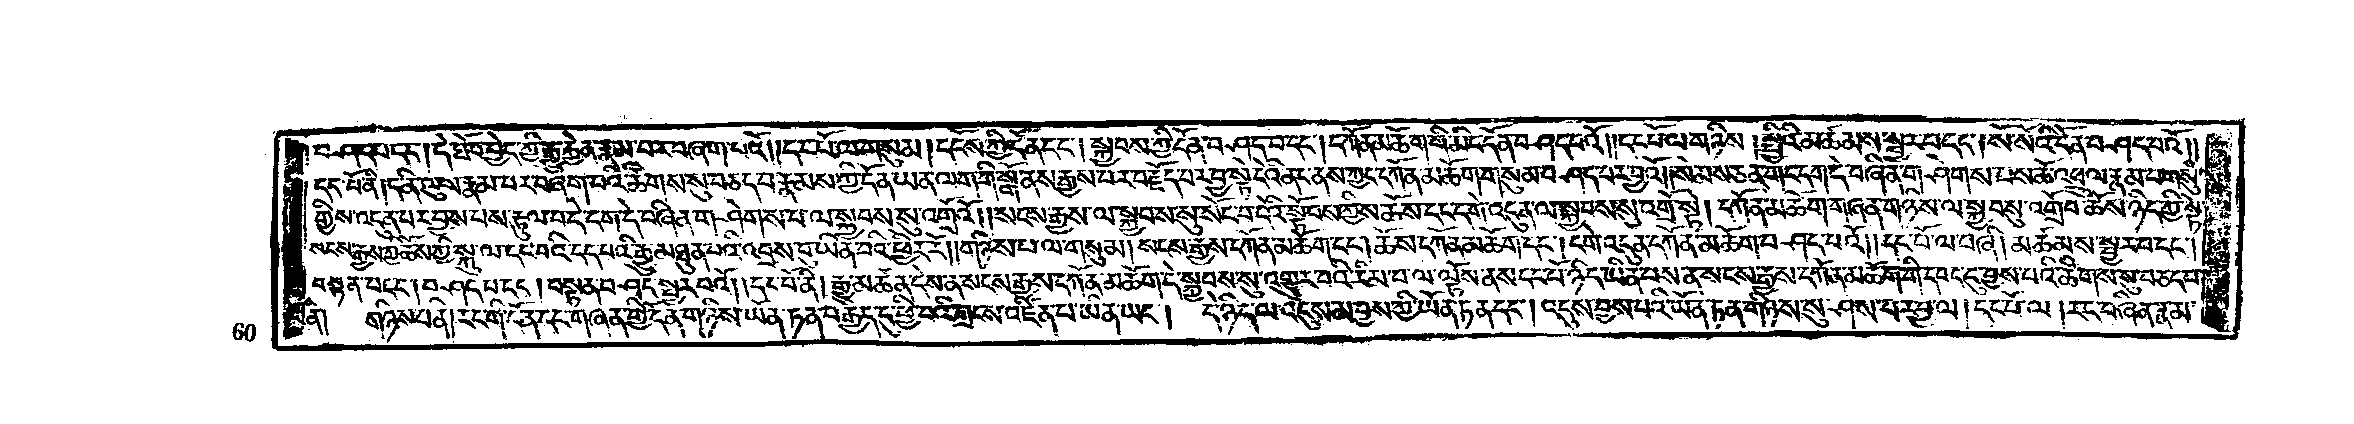བཤད་པ་དང་། དེ་ཐོབ་བྱེད་ཀྱི་རྒྱུ་རྐྱེན་རྣམ་པར་བཞག་པའོ། །དང་པོ་ལ་གསུམ། དངོས་ཀྱི་དོན་དང་། སྐྱབས་ཀྱི་དོན་བཤད་པ་དང་། དཀོན་མཆོག་གི་མིང་དོན་བཤད་པའོ། །དང་པོ་ལ་གཉིས། སྤྱིའི་མཚམས་སྦྱར་བ་དང་། སོ་སོའི་དོན་བཤད་པའོ། །
དང་པོ་ནི། ད་ནི་ལུས་རྣམ་པར་བཞག་པའི་ཚིགས་སུ་བཅད་པ་རྣམས་ཀྱི་དོན་ཡན་ལག་གི་སྒོ་ནས་རྒྱས་པར་བརྗོད་པར་བྱ་སྟེ་དེའི་ནང་ནས་ཀྱང་དཀོན་མཆོག་གསུམ་བཤད་པར་བྱའོ། །སེམས་ཅན་གང་དག་དེ་བཞིན་གཤེགས་པས་ཆོ་འཕྲུལ་རྣམ་པ་གསུམ་
གྱིས་འདུན་པར་བྱས་པས་རྟུལ་བ་དེ་དག་དེ་བཞིན་གཤེགས་པ་ལ་སྐྱབས་སུ་འགྲོའོ། །སངས་རྒྱས་ལ་སྐྱབས་སུ་སོང་བ་དེའི་སྟོབས་ཀྱིས་ཆོས་དང་དགེ་འདུན་ལ་སྐྱབས་སུ་འགྲོ་སྟེ། དཀོན་མཆོག་གཞན་གཉིས་ལ་སྐྱབས་སུ་འགྲོ་བ་ཆོས་ཉིད་ཀྱི་སྟེ་
སངས་རྒྱས་ཀྱི་ཆོས་ཀྱི་སྐུ་ལ་དང་བའི་དད་པའི་རྒྱུ་མཐུན་པའི་འབྲས་བུ་ཡིན་པའི་ཕྱིར་རོ། །གཉིས་པ་ལ་གསུམ། སངས་རྒྱས་དཀོན་མཆོག་དང་། ཆོས་དཀོན་མཆོག་དང་། དགེ་འདུན་དཀོན་མཆོག་བཤད་པའོ། །དང་པོ་ལ་བཞི། མཚམས་སྦྱར་བ་དང་།
བསྟན་པ་དང་། བཤད་པ་དང་། བསྟན་བཤད་སྦྱར་བའོ། །དང་པོ་ནི། རྒྱུ་མཚན་དེས་ན་སངས་རྒྱས་དཀོན་མཆོག་དེ་སྐྱབས་སུ་འགྱུར་བའི་རིམ་པ་ལ་ལྟོས་ནས་དང་པོ་ཉིད་ཡིན་པས་ན་སངས་རྒྱས་དཀོན་མཆོག་གི་དབང་དུ་བྱས་པའི་ཚིགས་སུ་བཅད་པ་
ནི། གཉིས་པ་ནི། རང་གི་དོན་དང་གཞན་གྱི་དོན་གཉིས་ཡོན་ཏན་བརྒྱད་དུ་ཕྱི་བའི་གྲངས་འཛིན་པ་ཡིན་ཡང་། དེ་ཉིད་ལ་འདུས་མ་བྱས་ཀྱི་ཡོན་ཏན་དང་། འདུས་བྱས་པའི་ཡོན་ཏན་གཉིས་སུ་ཤེས་པར་བྱ་ལ། དང་པོ་ལ། རང་བཞིན་རྣམ་